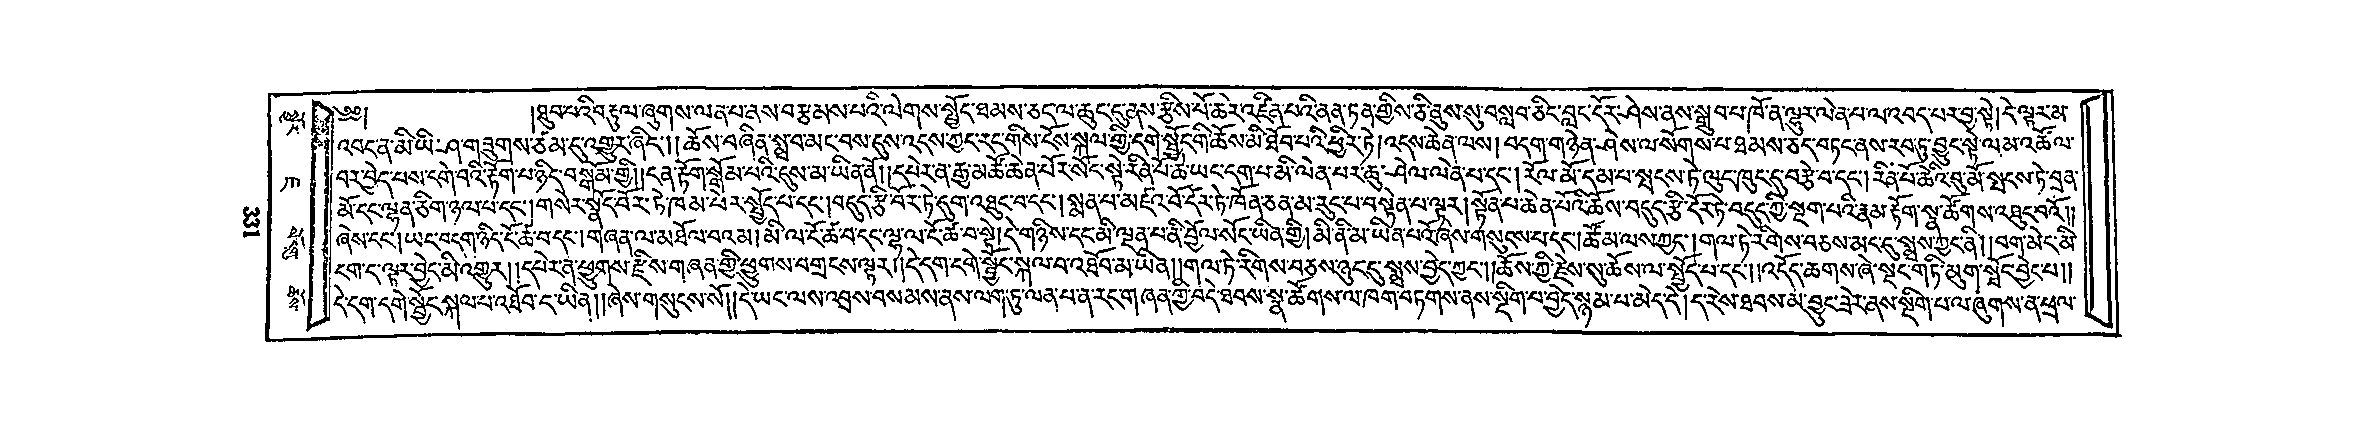༄༅། །ཐུབ་པའི་བརྟུལ་ཞུགས་ལན་པ་ནས་བརྩམས་པའི་ལེགས་སྤྱོད་ཐམས་ཅད་ལ་ཆུང་དུ་ནས་རྩིས་པོ་ཆེར་འཛིན་པའི་ནན་ཏན་གྱིས་ཅི་ནུས་སུ་བསླབ་ཅིང་བླང་དོར་ཤེས་ནས་སྒྲུབ་པ་ཁོ་ན་ལྷུར་ལེན་པ་ལ་འབད་པར་བྱ་སྟེ། དེ་ལྟར་མ་
འབང་ན་མི་ཡི་ཤ་གཟུགས་ཙམ་དུ་འགྱུར་ཞིང་། །ཆོས་བཞིན་སྨྲ་བ་མང་བས་དུས་འདས་ཀྱང་རང་གིས་ངོས་སྐལ་གྱི་དགེ་སྦྱོང་གི་ཆོས་མི་ཐོབ་པའི་ཕྱིར་ཏེ། འདས་ཆེན་ལས། བདག་གཉེན་ཤེས་ལ་སོགས་པ་ཐམས་ཅད་བཏང་ནས་རབ་ཏུ་བྱུང་སྟེ་ལམ་འཚོལ་
བར་བྱེད་པས་དགེ་བའི་རྟོག་པ་ཉིད་བསྒོམ་གྱི། །ངན་རྟོག་སྒོམ་པའི་དུས་མ་ཡིན་ནོ། །དཔེར་ན་རྒྱ་མཚོ་ཆེན་པོར་སོང་སྟེ་རིན་པོ་ཆེ་ཡང་དག་པ་མི་ལེན་པར་ཆུ་ཤེལ་ལེན་པ་དང་། རོལ་མོ་དམ་པ་སྤངས་ཏེ་ལུང་ཁུང་དུ་བརྩེ་བ་དང་། རིན་པོ་ཆེའི་བུ་མོ་སྤངས་ཏེ་བྲན་
མོ་དང་ལྷན་ཅིག་ཉལ་པ་དང་། གསེར་སྣོད་བོར་ཏེ་ཁམ་ཕེར་སྤྱོད་པ་དང་། བདུད་རྩི་བོར་ཏེ་དུག་འཐུང་བ་དང་། སྨན་པ་མཛའ་བོ་དོར་ཏེ་ཁོན་ཅན་མ་རུང་པ་བསྟེན་པ་ལྟར། སྟོན་པ་ཆེན་པོའི་ཆོས་བདུད་རྩི་དོར་ཏེ་བདུད་ཀྱི་སྔག་པའི་རྣམ་རྟོག་སྣ་ཚོགས་འཐུང་བའོ།།
ཞེས་དང་། ཡང་བདག་ཉིད་ངོ་ཚ་བ་དང་། གཞན་ལ་མཐོལ་བའམ། མི་ལ་ངོ་ཚ་བ་དང་ལྷ་ལ་ངོ་ཚ་བ་སྟེ། དེ་གཉིས་དང་མི་ལྡན་པ་ནི་བྱོལ་སོང་ཡིན་གྱི། མི་ནི་མ་ཡིན་པའོ་ཞེས་གསུངས་པ་དང་། ཚོམ་ལས་ཀྱང་། གལ་ཏེ་རིགས་བཅས་མང་དུ་སྨྲས་ཀྱང་ནི། །བག་མེད་མི་
ངག་ད་ལྟར་བྱེད་མི་འགྱུར། །དཔེར་ན་ཕྱུགས་རྫིས་གཞན་གྱི་ཕྱུགས་བགྲངས་ལྟར། །དེ་དག་དགེ་སྦྱོང་སྐལ་བ་འཐོབ་མ་ཡིན། །གལ་ཏེ་རིགས་བཅས་ཉུང་དུ་སྨྲས་བྱེད་ཀྱང་། །ཆོས་ཀྱི་རྗེས་སུ་ཆོས་ལ་སྤྱོད་པ་དང་། །འདོད་ཆགས་ཞེ་སྡང་གཏི་མུག་སྤོང་བྱེད་པ།།
དེ་དག་དགེ་སྦྱོང་སྐལ་པ་འཐོབ་ང་ཡིན། །ཞེས་གསུངས་སོ། །དེ་ཡང་ལས་འབྲས་བསམས་ནས་ལག་ཏུ་ལན་པ་ན་རང་གཞན་གྱི་བདེ་ཐབས་སྣ་ཚོགས་ལ་ཁག་བཏགས་ནས་སྡིག་པ་བྱེད་སྙམ་པ་མེད་དེ། ད་རེས་ཐབས་མ་བྱུང་ཟེར་ནས་སྡིག་པ་ལ་ཞུགས་ན་ཕྲལ་